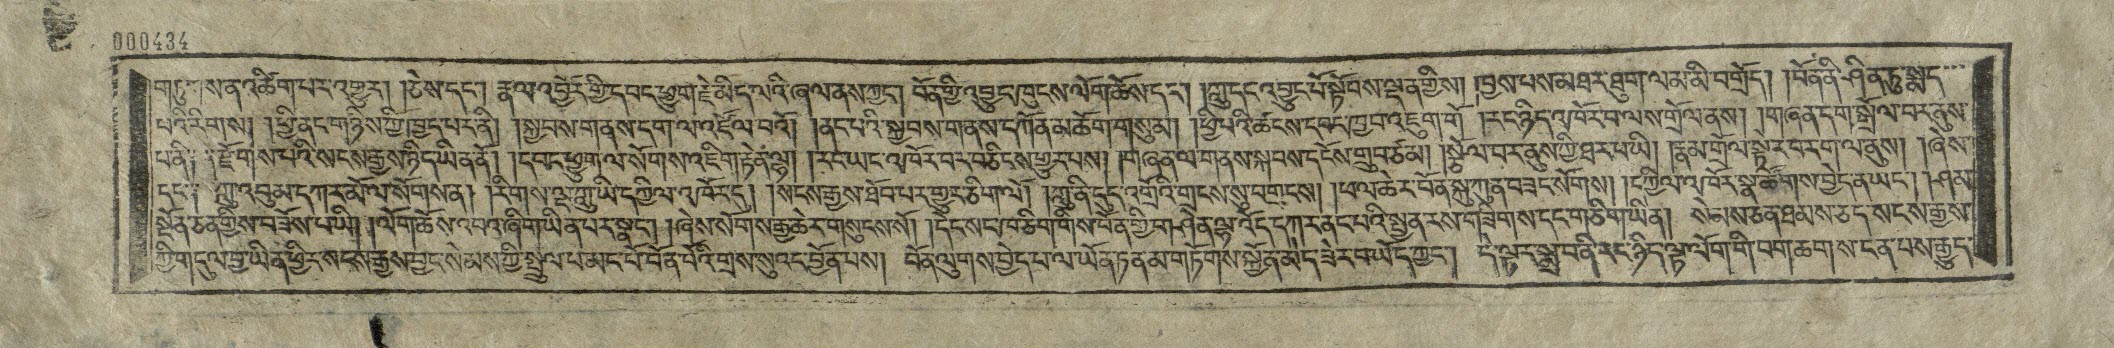གཏུགས་ན་འཚིག་པར་འགྱུར། །ཅེས་དང་། རྣལ་འབྱོར་གྱི་དབང་ཕྱུག་རྗེ་མིད་ལའི་ཞལ་ནས་ཀྱང་། བོན་གྱི་འབྱུང་ཁུངས་ལོག་ཆོས་དང་། །ཀླུ་དང་འབྱུང་པོ་སྟོབས་ལྡན་གྱིས། །བྱས་པས་མཐར་ཐུག་ལམ་མི་བགྲོད། །བོན་ནི་ཤིན་ཏུ་སྨད་
པའི་རིགས། །ཕྱི་ནང་གཉིས་ཀྱི་ཁྱད་པར་ནི། །སྐྱབས་གནས་དག་ལ་འཛོལ་བའོ། །ནང་པའི་སྐྱབས་གནས་དཀོན་མཆོག་གསུམ། །ཕྱི་པའི་ཚངས་དབང་ཁྱབ་འཇུག་གོ། རང་ཉིད་འཁོར་བ་ལས་གྲོལ་ནས། །གཞན་དག་སྒྲོལ་བར་ནུས་
པ་ནི༑ ༑རྫོགས་པའི་སངས་རྒྱས་ཉིད་ཡིན་ནོ། །དབང་ཕྱུག་ལ་སོགས་འཇིག་རྟེན་ལྷ། །རང་ཡང་འཁོར་བར་བཅིངས་གྱུར་པས། །གཞན་ལ་གནས་སྐབས་དངོས་གྲུབ་ཙམ། །སྩོལ་བར་ནུས་ཀྱི་ཐར་པ་ཡི། །རྣམ་གྲོལ་སྟེར་བར་ག་ལ་ནུས། །ཞེས་
དང༑ ཀླུ་འབུམ་དཀར་མོ་ལ་སོགས་ན། །རིགས་ལྔ་ཀླུ་ཡི་དཀྱིལ་འཁོར་དུ། །སངས་རྒྱས་ཐོབ་པར་གྱུར་ཅིག་ལོ། །ཀླུ་ནི་དུད་འགྲོའི་གྲངས་སུ་བགྲངས། །ཕལ་ཆེར་བོན་སྐུ་ཀུན་བཟང་སོགས། །དཀྱིལ་འཁོར་སྣ་ཚོགས་བྱེད་ན་ཡང་། །ཤམ་
སྔོན་ཅན་གྱིས་བཟོས་པ་ཡི། །ལོག་ཆོས་འབའ་ཞིག་ཡིན་པར་སྣང་། །ཞེས་སོགས་རྒྱ་ཆེར་གསུངས་སོ། །དེང་སང་ཁ་ཅིག་གིས་བོན་གྱི་གཤེན་ལྷ་འོད་དཀར་ནང་པའི་སྤྱན་རས་གཟིགས་དང་གཅིག་ཡིན། སེམས་ཅན་ཐམས་ཅད་སངས་རྒྱས་
ཀྱི་གདུལ་བྱ་ཡིན་ཕྱིར་སངས་རྒྱས་བྱང་སེམས་ཀྱི་སྤྲུལ་པ་མང་པོ་བོན་པོའི་གྲས་སུའང་བྱོན་པས། བོན་ལུགས་བྱེད་པ་ལ་ཡོན་ཏན་མ་གཏོགས་སྐྱོན་མེད་ཟེར་བ་ཡོད་ཀྱང་། དེ་ལྟར་སྨྲ་བ་ནི་རང་ཉིད་ལྟ་ལོག་གི་བག་ཆགས་ངན་པས་རྒྱུད་